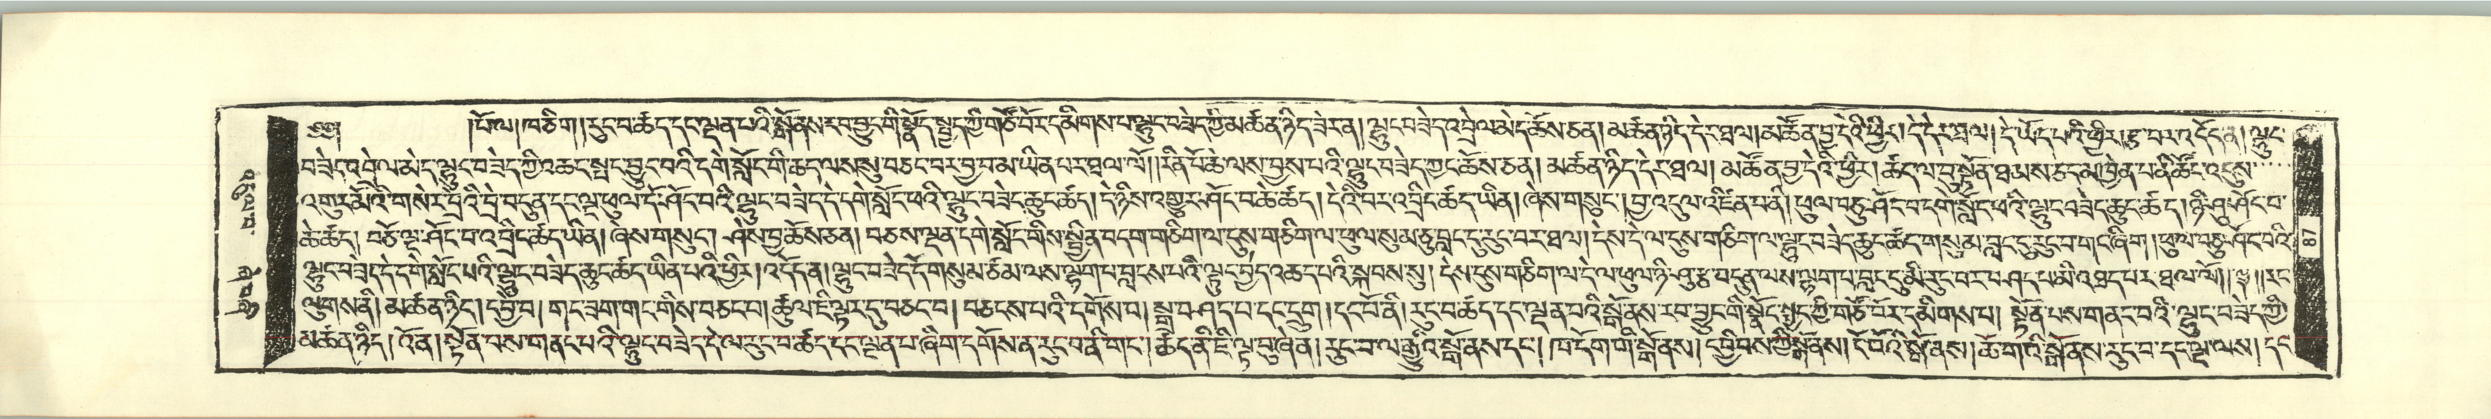༄༅། །པོ་ལ། ཁ་ཅིག །རུང་བ་ཚད་དང་ལྡན་པའི་སྒོ་ནས་རབ་བྱུང་གི་སྣོད་སྤྱད་ཀྱི་གཙོ་བོར་དམིགས་པ་ལྷུང་བཟེད་ཀྱི་མཚན་ཉིད་ཟེར་ན། ལྷུང་བཟེད་འབྲེལ་མེད་ཆོས་ཅན། མཚན་ཉིད་དེར་ཐལ། མཚོན་བྱ་དེའི་ཕྱིར། དེ་དེར་ཐལ། དེ་ཡོད་པའི་ཕྱིར། རྩ་བར་འདོད་ན། ལྷུང་
བཟེད་འབྲེལ་མེད་ལྷུང་བཟེད་ཀྱི་འཆང་སྤང་བྱུང་བའི་དགེ་སློང་གི་ཆད་ལས་སུ་བཅང་བར་བྱ་བ་མ་ཡིན་པར་ཐལ་ལོ། །རིན་པོ་ཆེ་ལས་བྱས་པའི་ལྷུང་བཟེད་ཀྱང་ཆོས་ཅན། མཚན་ཉིད་དེར་ཐལ། མཚོན་བྱ་དེའི་ཕྱིར། ཚད་ལ་བུ་སྟོན་ཐམས་ཅད་མཁྱེན་པ་ནི་ཚོང་འདུས་
འགུར་མོའི་གསེར་བྲེའི་བྲེ་བདུན་དང་ལྔ་ཕུལ་དོ་ཤོང་བའི་ལྷུང་བཟེད་དེ་དགེ་སློང་ཕའི་ལྷུང་བཟེད་ཆུང་ཚད། དེ་གཉིས་འགྱུར་ཤོང་བ་ཆེ་ཚད། དེའི་བར་འབྲིང་ཚད་ཡིན། ཞེས་གསུང་། བྱ་འདུལ་འཛིན་པ་ནི། ཕུལ་བཅུ་ཤོང་བ་དགེ་སློང་ཕའི་ལྷུང་བཟེད་ཆུང་ཚད། ཉི་ཤུ་ཤོང་བ་
ཆེ་ཚད། བཅོ་ལྔ་ཤོང་བ་འབྲིང་ཚད་ཡིན། ཞེས་གསུང་། ཤེས་བྱ་ཆོས་ཅན། བཅས་ལྡན་དགེ་སློང་གིས་སྦྱིན་བདག་གཅིག་ལ་དུས་གཅིག་ལ་ཕུལ་སུམ་ཅུ་བླང་དུ་རུང་བར་ཐལ། དེས་དེ་ལ་དུས་གཅིག་ལ་ལྷུང་བཟེད་ཆུང་ཚད་གསུམ་བླང་དུ་རུང་བ་གང་ཞིག །ཕུལ་བཅུ་ཤོང་བའི་
ལྷུང་བཟེད་དེ་དགེ་སློང་པའི་ལྷུང་བཟེད་ཆུང་ཚད་ཡིན་པའི་ཕྱིར། འདོད་ན། ལྷུང་བཟེད་དོ་གསུམ་ཙམ་ལས་ལྷག་པ་བླངས་པའི་ལྟུང་བྱེད་འཆད་པའི་སྐབས་སུ། དེས་དུས་གཅིག་ལ་དེ་ལ་ཕུལ་ཉི་ཤུ་རྩ་བདུན་ལས་ལྷག་པ་བླང་དུ་མི་རུང་བར་བཤད་པ་མི་འཐད་པར་ཐལ་ལོ།། ༈ །།རང་
ལུགས་ནི། མཚན་ཉིད། དབྱེ་བ། གང་ཟག་གང་གིས་བཅང་བ། ཚུལ་ཇི་ལྟར་དུ་བཅང་བ། བཅངས་པའི་དགོས་པ། སྒྲ་བཤད་པ་དང་དྲུག །དང་པོ་ནི། རུང་བ་ཚད་དང་ལྡན་པའི་སྒོ་ནས་རབ་བྱུང་གི་སྣོད་སྤྱད་ཀྱི་གཙོ་བོར་དམིགས་པ། སྟོན་པས་གནང་བའི་ལྷུང་བཟེད་ཀྱི་
མཚན་ཉིད། འོ་ན། སྟོན་པས་གནང་བའི་ལྷུང་བཟེད་དེ་ལ་རུང་བ་ཚད་དང་ལྡན་པ་ཞིག་དགོས་ན་རུང་བ་ནི་གང་། ཚད་ནི་ཇི་ལྟ་བུ་ཞེ་ན། རུང་བ་ལ་རྒྱུའི་སྒོ་ནས་དང་། ཁ་དོག་གི་སྒོ་ནས། དབྱིབས་ཀྱི་སྒོ་ནས། ངོ་བོའི་སྒོ་ནས། ཆོ་གའི་སྒོ་ནས་རུང་བ་དང་ལྔ་ལས། དང་